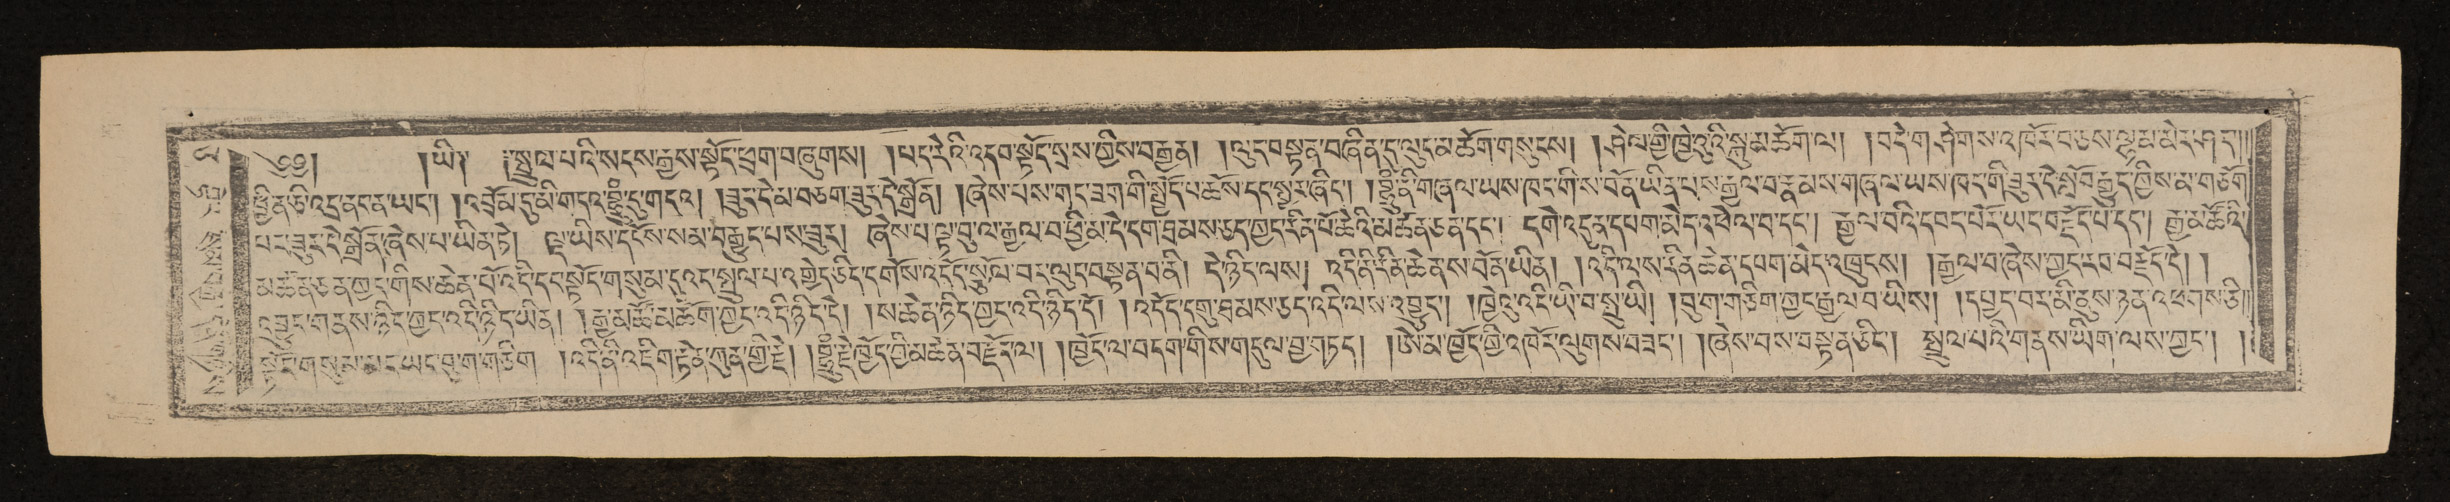༄༅། །ཡི༑ ༑སྤྲུལ་པའི་སངས་རྒྱས་སྟོང་ཕྲག་བཞུགས། །པད་རེའི་འདབ་སྟོང་སྲས་ཀྱིས་བརྒྱན། །ལུང་བསྟན་བཞིན་དུ་ལུང་མཆོག་གསུངས། །ཤེལ་གྱི་ཁྱེའུའི་སྐུ་མཆོག་ལ། །བདེ་གཤེགས་འཁོར་བཅས་ལྷམ་མེར་ཤར།།
ཕྱིན་ཅི་འདྲན་ངན་ཡང་། །འབྲོམ་དུ་མི་གདའ་བྷྲུཾ་དུ་གདའ། །ཟུར་དེ་མ་བཅག་ཟུར་དེ་སྒྲོན། །ཞེས་པས་གང་ཟག་གི་སྤྱོད་པ་ཆོས་དང་སྦྱར་ཞིང་། བྷྲུཾ་ནི་གཞལ་ཡས་ཁང་གི་ས་བོན་ཡིན་པས་རྒྱལ་བ་རྣམས་གཞལ་ཡས་ཁང་གི་ཟུར་དེ་སློབ་རྒྱུད་ཀྱིས་མ་གཅོག་
པར་ཟུར་དེ་སྒྲོན་ཞེས་པ་ཡིན་ཏེ། ལྔ་ཡིས་དངོས་སམ་བརྒྱུད་པས་ཟུར། ཞེས་པ་ལྟ་བུ་ལ་རྒྱལ་བ་ཕྱི་མ་དེ་དག་ཐམས་ཅད་ཀྱང་རིན་པོ་ཆེའི་མཚན་ཅན་དང་། དགེ་འདུན་དཔག་མེད་འཕེལ་བ་དང་། རྒྱལ་བའི་དབང་པོར་ཡང་བརྗོད་པ་དང་། རྒྱ་མཚོའི་
མཚན་ཅན་ཀྱང་གིས་ཆེན་པོ་འདི་དང་སྟོང་གསུམ་དུའང་སྤྲུལ་པ་འགྱེད་ཅིང་དགོས་འདོད་སྩོལ་བར་ལུང་བསྟན་པ་ནི། དེ་ཉིད་ལས། འདི་ནི་རིན་ཆེན་ས་བོན་ཡིན། །འདི་ལས་རིན་ཆེན་དཔག་མེད་འཁྲུངས། །རྒྱལ་བ་ཞེས་ཀྱང་རབ་བརྗོད་དེ། །
འབྱུང་གནས་ཉིད་ཀྱང་འདི་ཉིད་ཡིན། །རྒྱ་མཚོ་མཆོག་ཀྱང་འདི་ཉིད་དེ། །ས་ཆེན་ཉིད་ཀྱང་འདི་ཉིད་དོ། །འདོད་དགུ་ཐམས་ཅད་འདི་ལས་འབྱུང་། །ཁྱེའུ་འདི་ཡི་བ་སྤུ་ཡི། །བུ་ག་གཅིག་ཀྱང་རྒྱལ་བ་ཡིས། །དཔྱད་པར་མི་ནུས་ཉན་འཕགས་ཅི།
སྟོང་གསུམ་མང་ཡང་བུ་ག་གཅིག །འདི་ནི་འཇིག་རྟེན་ཀུན་གྱི་རྗེ། །བྷྲུཾ་རྗེ་ཁྱོད་ཀྱི་མཚན་བརྗོད་ལ། །ཁྱོད་ལ་བདག་གིས་གདུལ་བྱ་གཏད། །ཨེ་མ་ཁྱོད་ཀྱི་འཁོར་ལུགས་བཟང་། །ཞེས་པས་བསྟན་ཅིང་། སྤྲུལ་པའི་གནས་ཡིག་ལས་ཀྱང་།